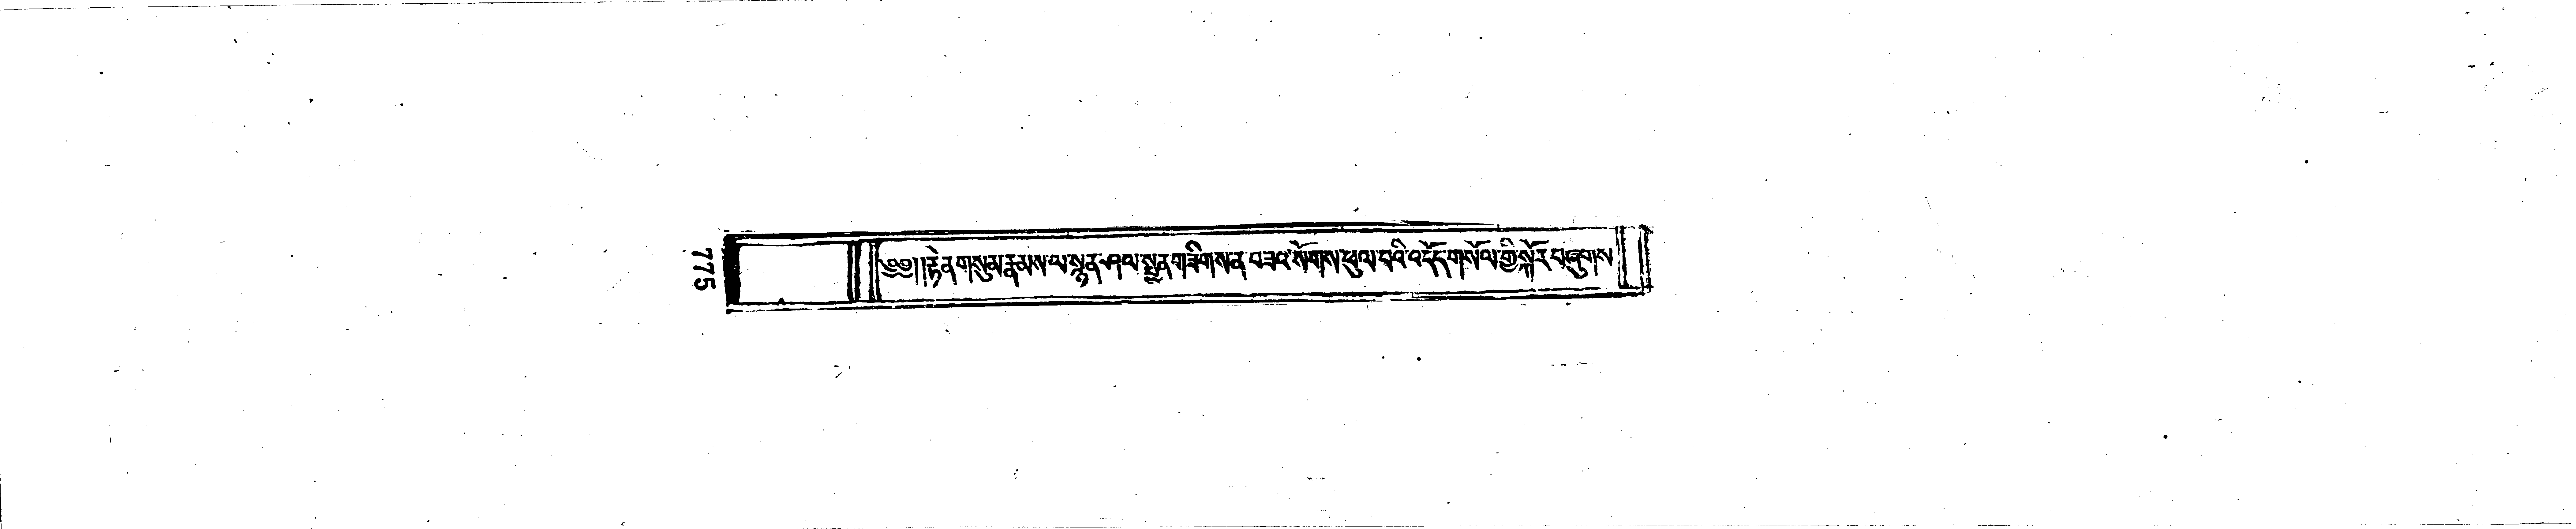༄༅། །རྟེན་གསུམ་རྣམས་ལ་སྙན་ཤལ་སྤྱན་གཟིགས་ན་བཟའ་སོགས་ཕུལ་བའི་འདོད་གསོལ་གྱི་སྐོར་བཞུགས་